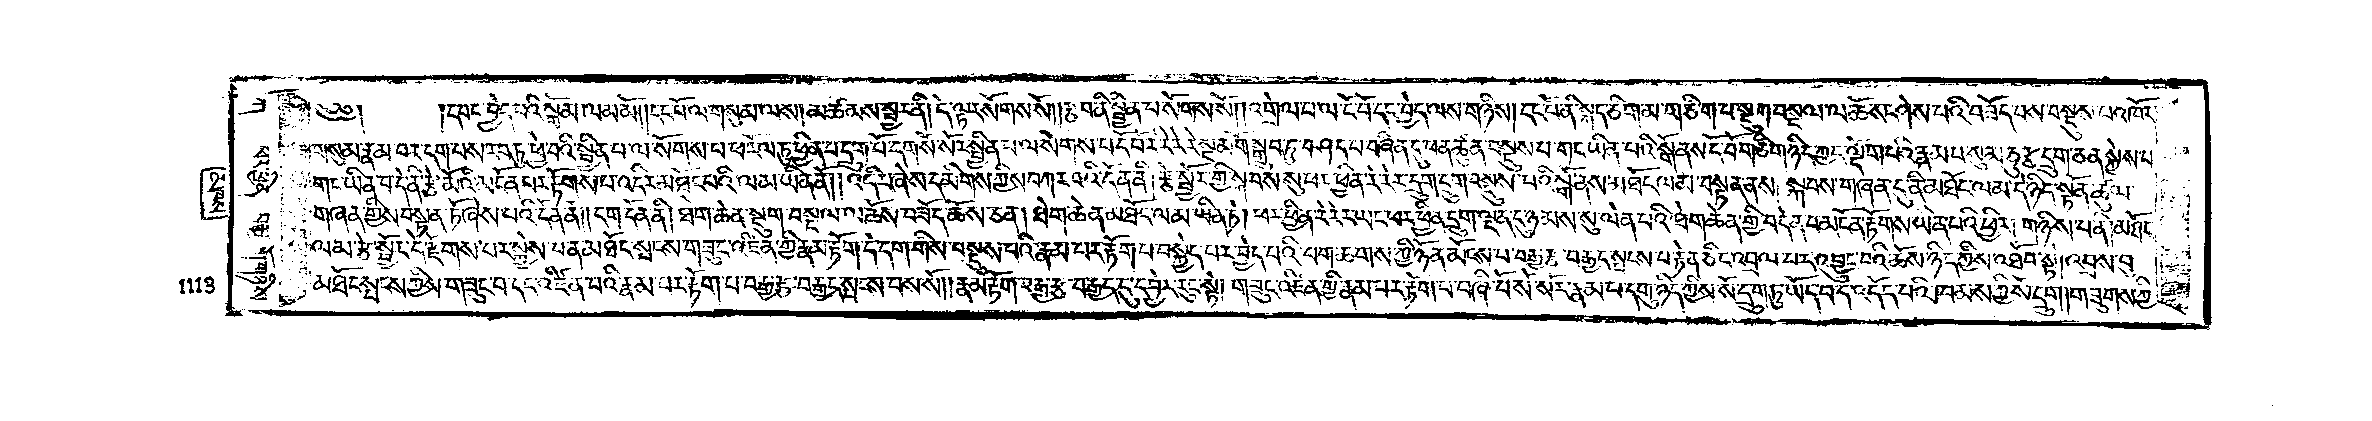༄༅། །དབང་བྱེད་བའི་སྒོམ་ལམ་མོ། །དང་པོ་ལ་གསུམ་ལས། མཚམས་སྦྱར་ནི། དེ་ལྟར་སོགས་སོ། །རྩ་བ་ནི་སྦྱིན་པ་སོགས་སོ། །འགྲེལ་བ་ལ་ངོ་བོ་དང་བྱེད་ལས་གཉིས། དང་པོ་ནི་སྐད་ཅིག་མ་གཅིག་པ་སྡུག་བསྔལ་ལ་ཆོས་ཤེས་པའི་བཟོད་པས་བསྡུས་པ་འཁོར་
གསུམ་རྣམ་བར་དག་པས་རབ་ཏུ་ཕྱེ་བའི་སྦྱིན་པ་ལ་སོགས་པ་ཕ་རོལ་ཏུ་ཕྱིན་པ་དྲུག་པོ་དག་སོ་སོར་སྦྱིན་པ་ལ་སོགས་པ་ངོ་བོར་རེ་རེ་རེ་སྔ་མགོ་སྒྲུབ་ཏུ་བཤད་པ་བཞིན་དུ་ཕན་ཚུན་བསྡུས་པ་གང་ཡིན་པའི་སྒོ་ནས་ངོ་བོ་གཅིག་ཉིད་ཀྱང་ལྡོག་པའི་རྣམ་པ་སུམ་ཅུ་རྩ་དྲུག་ཅན་སྐྱེས་པ་
གང་ཡིན་པ་དེ་ནི་རྩེ་མོའི་མངོན་པར་རྟོགས་པ་འདིར་མཐོང་བའི་ལམ་ཡིན་ནོ། །འདིར་ཞེས་དམིགས་ཀྱིས་བཀར་བའི་དོན་ནི། རྩེ་སྦྱོར་གྱི་སྐབས་སུ་ཕར་ཕྱིན་རེ་རེར་དྲུག་དྲུག་བསྡུས་པའི་སྒོ་ནས་མཐོང་ལམ་བསྟན་ནས། སྐབས་གཞན་དུ་ནི་མཐོང་ལམ་དེ་ཉིད་སྟོན་ཚུལ་
གཞན་གྱིས་བསྟན་ཏོ་ཞེས་པའི་དོན་ནོ། །ངག་དོན་ནི། ཐེག་ཆེན་སྡུག་བསྔལ་ལ་ཆོས་བཟོད་ཆོས་ཅན། ཐེག་ཆེན་མཐོང་ལམ་ཡིན་ཏེ། ཕར་ཕྱིན་རེ་རེར་ཡང་ཕར་ཕྱིན་དྲུག་ལྡན་དུ་ཉམས་སུ་ལེན་པའི་ཐེག་ཆེན་གྱི་བདེན་པ་མངོན་རྟོགས་ཡིན་པའི་ཕྱིར། གཉིས་པ་ནི། མཐོང་
ལམ་རྩེ་སྦྱོར་དེ་རྫོགས་པར་སྐྱེས་པ་ན་མཐོང་སྤངས་གཟུང་འཛིན་གྱི་རྣམ་རྟོག་དེ་དག་གིས་བསྡུས་པའི་རྣམ་པར་རྟོག་པ་བསྐྱེད་པར་བྱེད་པའི་བག་ཆགས་ཀྱི་ཉོན་མོངས་པ་བརྒྱ་རྩ་བརྒྱད་སྤངས་པ་རྟེན་ཅིང་འབྲལ་བར་འབྱུང་བའི་ཆོས་ཉིད་ཀྱིས་འཐོབ་སྟེ། འབྲས་བུ་
མཐོང་སྤངས་ཀྱིས་གཟུང་བ་དང་འཛིན་པའི་རྣམ་པར་རྟོག་པ་བརྒྱ་རྩ་བརྒྱད་སྤངས་པས་སོ། །རྣམ་རྟོག་བརྒྱ་རྩ་བརྒྱད་དུ་དབྱེར་རུང་སྟེ། གཟུང་འཛིན་གྱི་རྣམ་པར་རྟོག་པ་བཞི་པོ་སོ་སོར་རྣམ་པ་དགུ་ཉིད་ཀྱིས་སོ་དྲུག་ཏུ་ཡོད་པ་དེ་འདོད་པའི་ཁམས་ཀྱིས་སོ་དྲུག། །གཟུགས་ཀྱི་